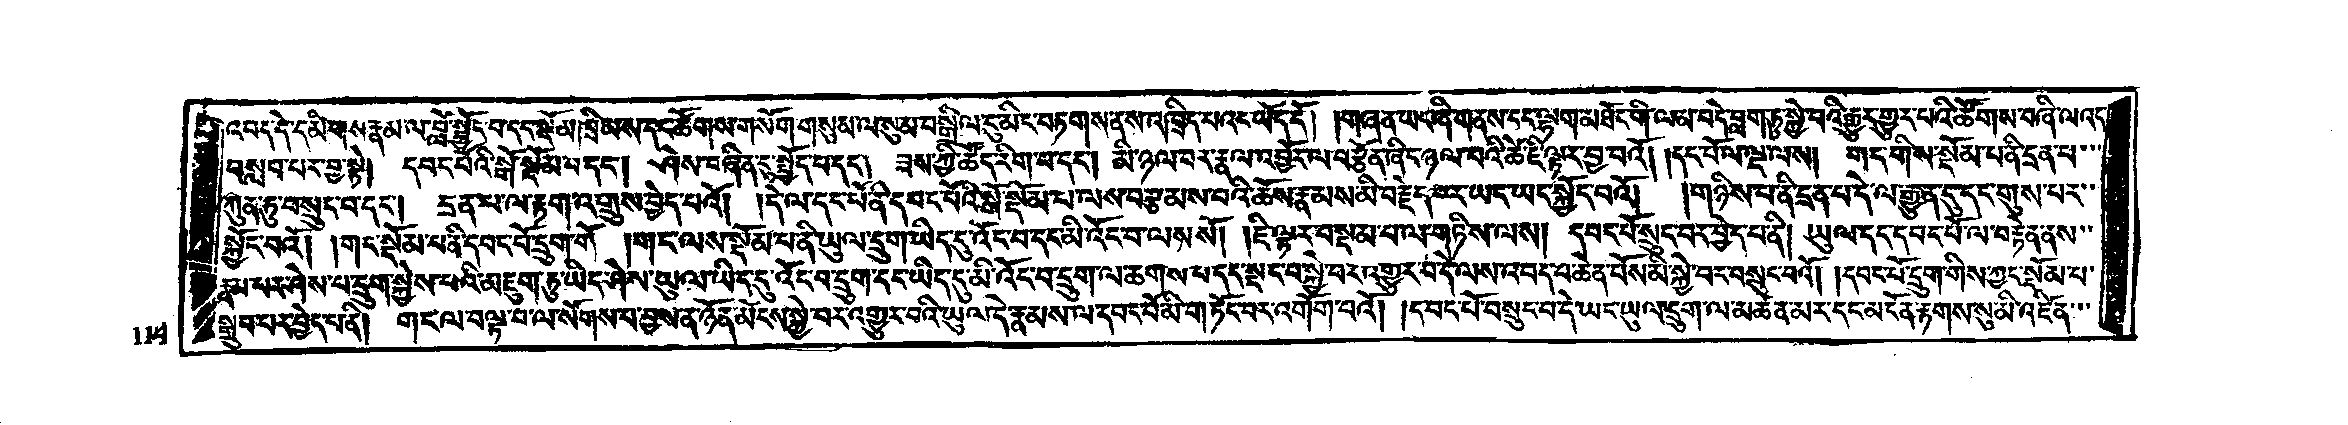འབད་དེ་དམིགས་རྣམ་ལ་བློ་སྦྱོང་བ་དང་སྡོམ་ཁྲིམས་དང་ཚོགས་གསོག་གསུམ་ལ་སུམ་བསྒྲིལ་དུ་མིང་བཏགས་ནས་འཁྲིད་པའང་ཡོད་དོ། །གཞན་ཡང་ཞི་གནས་དང་ལྷག་མཐོང་གི་ལམ་བདེ་བླག་ཏུ་སྐྱེ་བའི་རྒྱུར་གྱུར་པའི་ཚོགས་བཞི་ལའང་
བསླབ་པར་བྱ་སྟེ། དབང་པོའི་སྒོ་སྡོམ་པ་དང་། ཤེས་བཞིན་དུ་སྤྱོད་པ་དང་། ཟས་ཀྱི་ཚོད་རིག་པ་དང་། མི་ཉལ་བར་རྣལ་འབྱོར་ལ་བརྩོན་ཞིང་ཉལ་བའི་ཚེ་ཇི་ལྟར་བྱ་བའོ། །དང་པོ་ལ་ལྔ་ལས། གང་གིས་སྡོམ་པ་ནི་དྲན་པ་
ཀུན་ཏུ་བསྲུང་བ་དང་། དྲན་པ་ལ་རྟག་འགྲུས་བྱེད་པའོ། །དེ་ལ་དང་པོ་ནི་དབང་པོའི་སྒོ་སྡོམ་པ་ལས་བརྩམས་པའི་ཆོས་རྣམས་མི་བརྗེད་པར་ཡང་ཡང་སྐྱོང་བའོ། །གཉིས་པ་ནི་དྲན་པ་དེ་ལ་རྒྱུན་དུ་དང་གུས་པར་
སྐྱོང་བའོ། །གང་སྡོམ་པ་ནི་དབང་པོ་དྲུག་གོ། །གང་ལས་སྡོམ་པ་ནི་ཡུལ་དྲུག་ཡིད་དུ་འོང་བ་དང་མི་འོང་བ་ལས་སོ། །ཇི་ལྟར་བསྡམ་པ་ལ་གཉིས་ལས། དབང་པོ་སྲུང་བར་བྱེད་པ་ནི། ཡུལ་དང་དབང་པོ་ལ་བརྟེན་ནས་
རྣམ་པར་ཤེས་པ་དྲུག་སྐྱེས་པའི་མཇུག་ཏུ་ཡིད་ཤེས་ཡུལ་ཡིད་དུ་འོང་བ་དྲུག་དང་ཡིད་དུ་མི་འོང་བ་དྲུག་ལ་ཆགས་པ་དང་སྡང་བ་སྐྱེ་བར་འགྱུར་བ་དེ་ལས་འབད་པ་ཆེན་པོས་མི་སྐྱེ་བར་བསྲུང་བའོ། །དབང་པོ་དྲུག་གིས་ཀྱང་སྡོམ་པ་
སྒྲུབ་པར་བྱེད་པ་ནི། གང་ལ་བལྟ་བ་ལ་སོགས་པ་བྱས་ན་ཉོན་མོངས་སྐྱེ་བར་འགྱུར་བའི་ཡུལ་དེ་རྣམས་ལ་དབང་པོ་མི་གཏོང་བར་འགོག་པའོ། །དབང་པོ་བསྲུང་བ་དེ་ཡང་ཡུལ་དྲུག་ལ་མཚན་མར་དང་མངོན་རྟགས་སུ་མི་འཛིན་